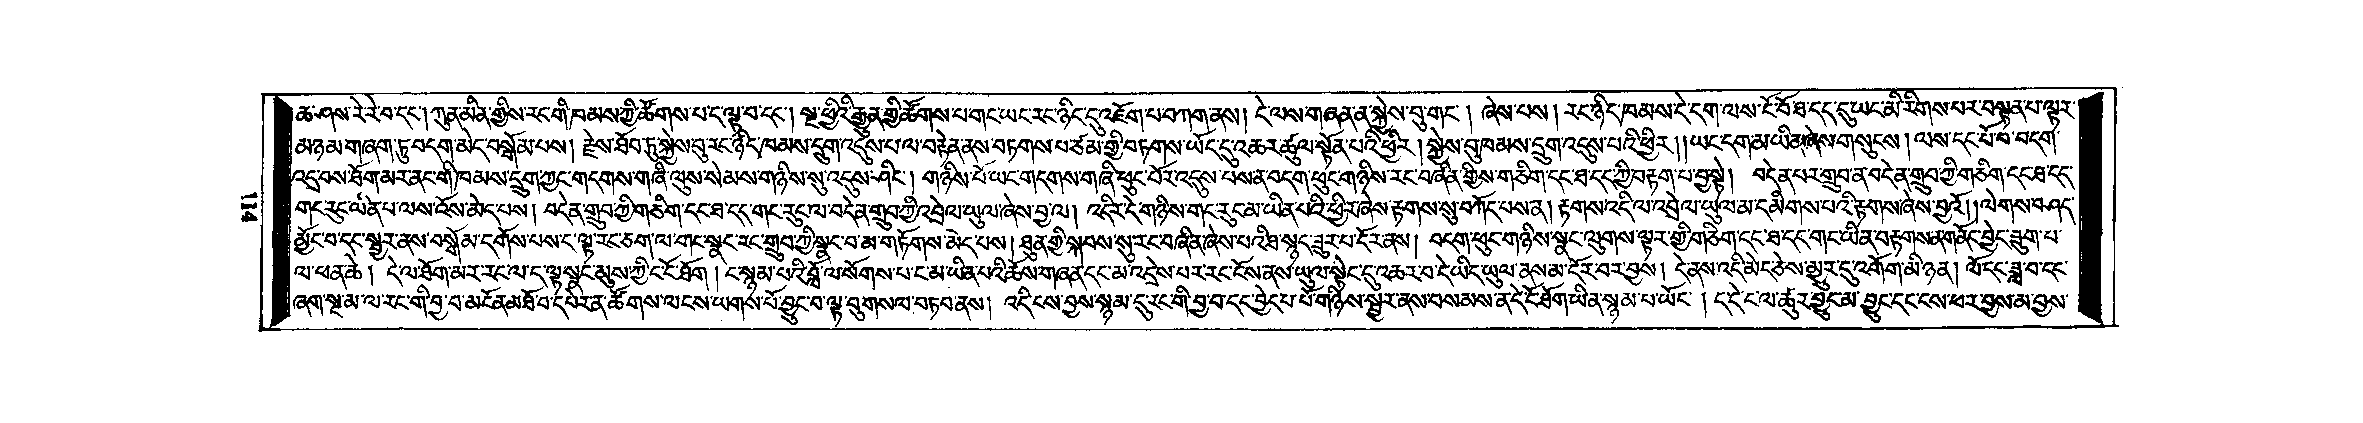ཆ་ཤས་རེ་རེ་བ་དང་། ཀུན་མིན་གྱིས་རང་གི་ཁམས་ཀྱི་ཚོགས་པ་ད་ལྟ་བ་དང་། སྔ་ཕྱིའི་རྒྱུན་གྱི་ཚོགས་པ་གང་ཡང་རང་ཉིད་དུ་འཇོག་པ་བཀག་ནས། དེ་ལས་གཞན་ན་སྐྱེས་བུ་གང་། ཞེས་པས། རང་ཉིད་ཁམས་དེ་དག་ལས་ངོ་བོ་ཐ་དད་དུ་ཡང་མི་རིགས་པར་བསྟན་པ་ལྟར་
མཉམ་གཞག་ཏུ་བདག་མེད་བསྒོམ་པས། རྗེས་ཐོབ་ཏུ་སྐྱེས་བུ་རང་ཉིད་ཁམས་དྲུག་འདུས་པ་ལ་བརྟེན་ནས་བཏགས་པ་ཙམ་གྱི་བཏགས་ཡོད་དུ་འཆར་ཚུལ་སྟོན་པའི་ཕྱིར། སྐྱེས་བུ་ཁམས་དྲུག་འདུས་པའི་ཕྱིར། །ཡང་དག་མ་ཡིན་ཞེས་གསུངས། ལས་དང་པོ་བ་བདག་
འདྲ་བས་ཐོག་མར་ནང་གི་ཁམས་དྲུག་ཀྱང་གདགས་གཞི་ལུས་སེམས་གཉིས་སུ་འདུས་ཤིང་། གཉིས་པོ་ཡང་གདགས་གཞི་ཕུང་བོར་འདུས་པས་ན་བདག་ཕུང་གཉིས་རང་བཞིན་གྱིས་གཅིག་དང་ཐ་དད་ཀྱི་བརྟག་པ་བྱ་སྟེ། བདེན་པར་གྲུབ་ན་བདེན་གྲུབ་ཀྱི་གཅིག་དང་ཐ་དད་
གང་རུང་ཡིན་པ་ལས་འོས་མེད་པས། བདེན་གྲུབ་ཀྱི་གཅིག་དང་ཐ་དད་གང་རུང་ལ་བདེན་གྲུབ་ཀྱི་འབྲེལ་ཡུལ་ཞེས་བྱ་ལ། འདིར་དེ་གཉིས་གང་རུང་མ་ཡིན་པའི་ཕྱིར་ཞེས་རྟགས་སུ་བཀོད་པས་ན། རྟགས་འདི་ལ་འབྲེལ་ཡུལ་མ་དམིགས་པའི་རྟགས་ཞེས་བྱའོ། །ལེགས་བཤད་
མྱོང་བ་དང་སྦྱར་ནས་བསྒོམ་དགོས་པས་ད་ལྟ་རང་ཅག་ལ་གང་སྣང་རང་གྲུབ་ཀྱི་སྣང་བ་མ་གཏོགས་མེད་པས། ཐུན་གྱི་སྐབས་སུ་རང་བཞིན་ཞེས་པའི་ཐ་སྙད་ཟུར་པ་དོར་ནས། བདག་ཕུང་གཉིས་སྣང་ལུགས་ལྟར་གྱི་གཅིག་དང་ཐ་དང་གང་ཡིན་བརྟགས་ན་གནོང་བྱེད་ཟུག་པ་
ལ་ཕན་ཆེ། དེ་ལ་ཐོག་མར་རང་ལ་ད་ལྟ་སྣང་མུས་ཀྱི་ང་ངོ་ཐོག །ང་སྙམ་པའི་བློ་ལ་སོགས་པ་ང་མ་ཡིན་པའི་ཆོས་གཞན་དང་མ་འདྲེས་པར་རང་ངོས་ནས་ཡུལ་སྟེང་དུ་འཆར་བ་དེ་ཡིད་ཡུལ་ནས་མ་དོར་བར་བྱས། དེ་ནས་འདི་མེད་ཅེས་མྱུར་དུ་འགོག་མི་ཉན། ལོ་དང་ཟླ་བ་དང་
ཞག་སྔ་མ་ལ་རང་གི་བྱ་བ་མངོན་མཐོ་བ་དཔེར་ན་ཚོགས་ལངས་ཡགས་པོ་བྱུང་བ་ལྟ་བུ་གསལ་བཏབ་ནས། འདི་ངས་བྱས་སྙམ་དུ་རང་གི་བྱ་བ་དང་བྱེད་པ་པོ་གཉིས་བྱར་ནས་བསམས་ན་དེ་ངོ་ཐོག་ཡིན་སྙམ་པ་ཡོང་། ད་དེ་ང་ལ་ཚུར་བྱུང་མ་བྱུང་དང་ངས་ཕར་བྱས་མ་བྱས་